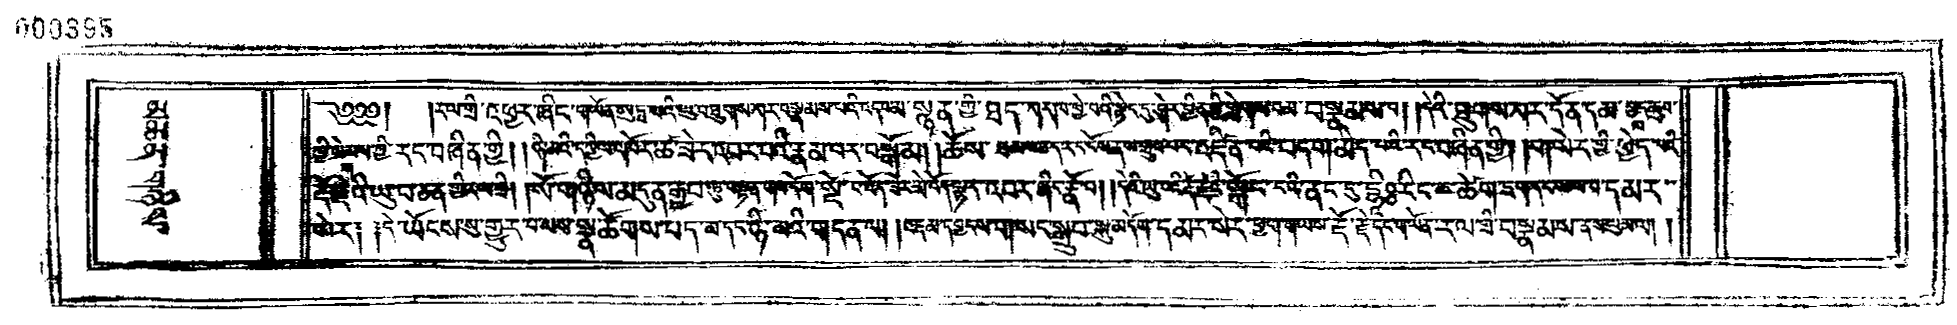༄༅༅། །རལ་གྲི་འཕྱར་ཞིང་གཡོན་ཨུཏྤ་ལའི་ཡུ་བ་ཐུགས་ཀར་བསྣམས་པའི་འདབ་མ་སྙན་གྱི་ཐད་ཀར་ཁ་ཕྱེ་བའི་སྟེང་དུ་ཤེར་ཕྱིན་གྱི་གླེགས་བམ་བསྣམས་པ། །དེའི་ཐུགས་ཀར་དོན་དམ་བྱང་ཆུབ་
ཀྱི་སེམས་ཀྱི་རང་བཞིན་གྱི། །ཉི་མའི་དཀྱིལ་འཁོར་ཚ་ཟེར་འབར་པའི་རྣམ་པར་བསྒོམ། །ཆོས་ཐམས་ཅད་རང་ངོས་ནས་གྲུབ་པར་འཛིན་པའི་བདག་མེད་པའི་རང་བཞིན་གྱི། །གསེར་གྱི་ཕྱེད་པའི་
རྡོ་རྗེའི་ཀ་ཡུ་བ་ཅན་གྱི་རལ་གྲི།  །སོ་གཉིས་མདུན་རྒྱབ་ཏུ་བསྟན་པ་ཁ་དོག་སྔོན་བ་འོད་ཟེར་མེ་འོད་ལྟར་འབར་ཞིང་རྣོ་བ། །དེའི་ཡུ་བའི་རྡོ་རྗེའི་སྒོང་ངའི་ནང་དུ་དྷཱིཿ རིང་ཆ་ཚེག་དྲག་དང་བཅས་པ་དམར་
སེར༑ ༑དེ་ཡོངས་སུ་གྱུར་པ་ལས་སྣ་ཚོགས་པད་མ་དང་ཉི་མའི་གདན་ལ། ། འཇམ་དབྱངས་གསང་སྒྲུབ་སྐུ་མདོག་དམར་སེར་ཕྱག་གཡས་རྡོ་རྗེ་དང་གཡོན་རལ་གྲི་བསྣམས་ནས་ཡུམ་ལ།  །